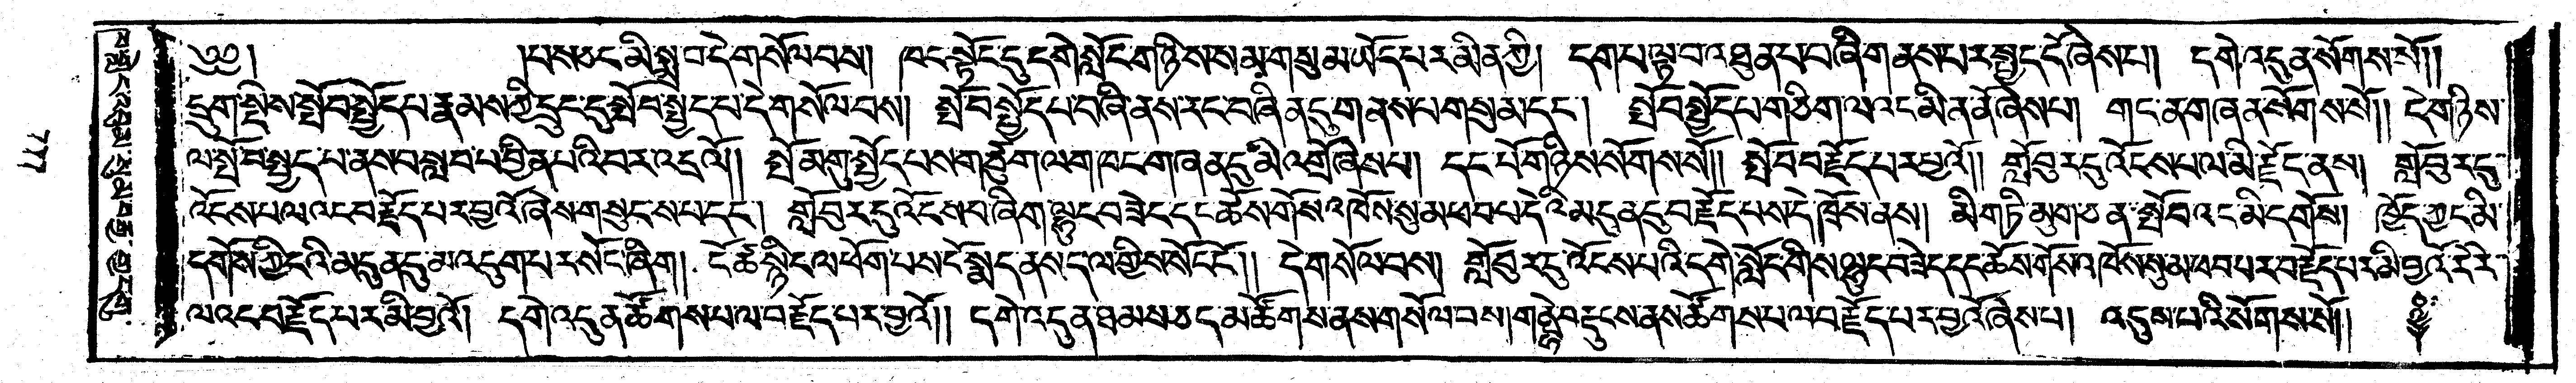༄༅། །པས་ཅང་མི་སྨྲ་བ་དེ་གསོལ་བས། ཁང་སྟོང་དུ་དགེ་སློང་གཉིས་སམ་གསུམ་ཡོད་པར་མིན་ཀྱི། དག་པ་ལྟ་བ་འཐུན་པ་བཞི་གནས་པར་སྤྱད་དོ་ཞེས་པ། དགེ་འདུན་སོགས་སོ།།
དྲུག་སྡེས་སྤོ་བ་སྤྱོད་པ་རྣམས་ཀྱི་དྲུང་དུ་སྤོ་བ་སྤྱད་པ་དེ་གསོལ་བས། སྤོ་བ་སྤྱོད་པ་བཞི་ནས་རང་བཞིན་དུ་གནས་པ་གསུམ་དང་། སྤོ་བ་སྤྱོད་པ་གཅིག་ལའང་མིན་ནོ་ཞེས་པ། གང་ན་གཞན་སོགས་སོ།། དེ་གཉིས་
ལ་སྤོ་བ་སྤྱད་པ་ནས་བསླབ་པ་བྱིན་པའི་བར་འདྲའོ།། སྤོ་མགུ་སྤྱོད་པས་གཙུག་ལག་ཁང་གཞན་དུ་མི་འགྲོ་ཞེས་པ། དང་པོ་གཉིས་སོགས་སོ།། སྤོ་བ་བརྗོད་པར་བྱའོ།། གློ་བུར་དུ་འོངས་པ་ལ་མི་རྗོད་ནས། གློ་བུར་དུ་
འོངས་པ་ལའང་བརྗོད་པར་བྱའོ་ཞེས་གསུངས་པ་དང་། གློ་བུར་དུ་འོངས་པ་ཞིག་ལྷུང་བཟེད་དང་ཆོས་གོས་འཁོས་སུ་མ་ཕབ་པ་དེའི་མདུན་དུ་བརྗོད་པས་དེ་ཁྲོས་ནས། མི་གཏི་མུག་ཅན་སྤོ་བའང་མི་དགོས། ཁྱོད་ཀྱང་མི་
དགོས་ཀྱི་ངའི་མདུན་དུ་མ་འདུག་པར་སོང་ཞིག། ངོ་ཚ་སྙིང་ལ་ཕོག་པས་ངོ་སྨད་ནས་ད་ལ་གྱིས་སོང་ངོ།། དེ་གསོལ་བས། གློ་བུར་དུ་འོངས་པའི་དགེ་སློང་གིས་ལྷུང་བཟེད་དང་ཆོས་གོས་འཁོས་སུ་མ་ཕབ་པར་བརྗོད་པར་མི་བྱའོ་རེ་རེ་
ལའང་བརྗོད་པར་མི་བྱའོ། དགེ་འདུན་ཚོགས་པ་ལ་བརྗོད་པར་བྱའོ།། དགེ་འདུན་ཐམས་ཅད་མཚོགས་ནས་གསོལ་བས། གནྡྷེ་བརྡུངས་ནས་ཚོགས་པ་ལ་བརྗོད་པར་བྱའོ་ཞེས་པ། འདུས་པའི་སོགས་སོ།། ༈